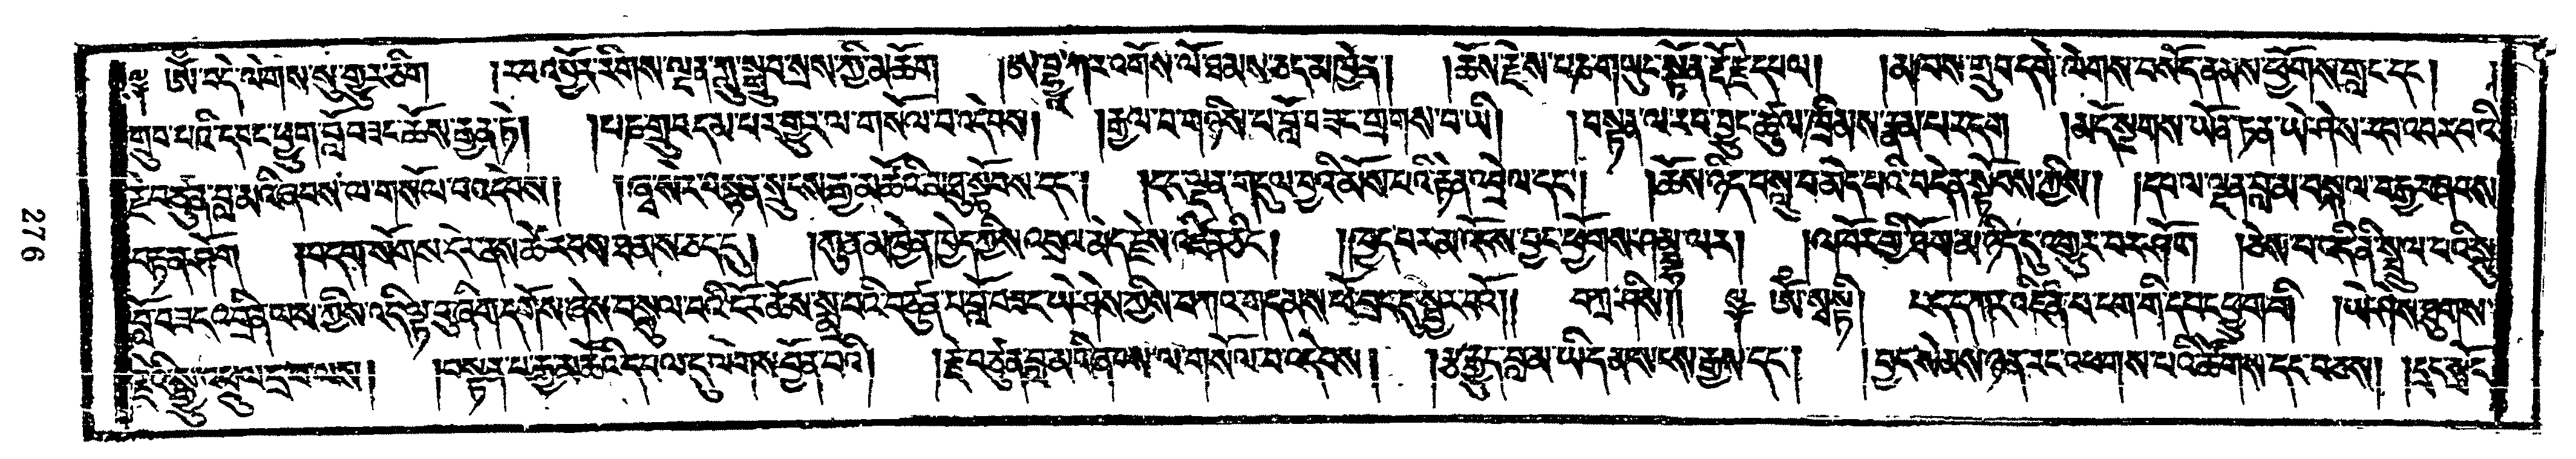༈ ཨོཾ་བདེ་ལེགས་སུ་གྱུར་ཅིག །རབ་འབྱོར་རིགས་ལྡན་ཀླུ་སྒྲུབ་སྲས་ཀྱི་མཆོག །ཨ་བྷྱཱ་ཀ་ར་འགོས་ལོ་ཐམས་ཅད་མཁྱེན། །ཆོས་རྗེ་ས་པཎ་གཡུང་སྟོན་རྡོ་རྗེ་དཔལ། །མཁས་གྲུབ་དགེ་ལེགས་བསོད་ནམས་ཕྱོགས་གླང་དང་། །
གྲུབ་པའི་དབང་ཕྱུག་བློ་བཟང་ཆོས་རྒྱན་ཏེ། །པཎ་གྲུབ་དམ་པར་གྱུར་ལ་གསོལ་བ་འདེབས། །རྒྱལ་བ་གཉིས་པ་བློ་བཟང་གྲགས་བ་ཡི། །བསྟན་ལ་རབ་བྱུང་ཚུལ་ཁྲིམས་རྣམ་པར་དག །མདོ་སྔགས་ཡོན་ཏན་ཡེ་ཤེས་རབ་འབར་བའི་
རྗེ་བཙུན་བླ་མའི་ཞབས་ལ་གསོལ་བ་འདེབས། །ཞྭ་སེར་བསྙན་སྲུངས་རྒྱ་མཚོའི་མཐུ་སྟོབས་དང་། །དང་ལྡན་གདུལ་བྱའི་མོས་པའི་རྟེན་འབྲེལ་དང་། །ཆོས་ཉིད་བསླུ་བ་མེད་པའི་བདེན་སྟོབས་ཀྱིས། །དཔལ་ལྡན་བླ་མ་བསྐལ་བརྒྱར་ཞབས་
བརྟན་ཤོག །བདག་སོགས་དེར་ནས་ཚེ་རབས་ཐམས་ཅད་དུ། །ཀུན་མཁྱེན་ཁྱེད་ཀྱིས་འབྲལ་མེད་རྗེས་འཛིན་ཅིང་། །ཁྱད་པར་མ་འོངས་བྱང་ཕྱོགས་ཤམྦྷ་ལར། །འཁོར་གྱི་ཐོག་མ་ཉིད་དུ་འགྱུར་བར་ཤོག །ཅེས་པ་འདི་ནི་སྤྲུལ་པའི་སྐུ་
བློ་བཟང་འབྲིན་ལས་ཀྱིས་འདི་ལྟ་བུ་ཞིག་དགོས་ཞེས་བསྐུལ་བའི་ངོར་ཆོས་སྨྲ་བའི་བཙུན་པ་བློ་བཟང་ཡེ་ཤེས་ཀྱིས་བཀའ་གདམས་ཕོ་བྲང་དུ་སྦྱར་བའོ། །བཀྲ་ཤིས།། ༈ ཨོཾ་སྭསྟི། པད་དཀར་འཛིན་པ་ངག་གི་དབང་ཕྱུག་གི །ཡེ་ཤེས་ཐུགས་
རྗེའི་སྒྱུ་འཕྲུལ་དྲ་བ་ལས། །བསྟན་པ་རྒྱ་མཚོའི་དཔལ་དུ་ལེགས་བྱོན་བའི། །རྗེ་བཙུན་བླ་མའི་ཞབས་ལ་གསོལ་བ་འདེབས། །རྩ་རྒྱུད་བླ་མ་ཡི་དམ་སངས་རྒྱས་དང་། །བྱང་སེམས་ཉན་རང་འཕགས་པའི་ཚོགས་དང་བཅས། །དྲང་སྲོང་